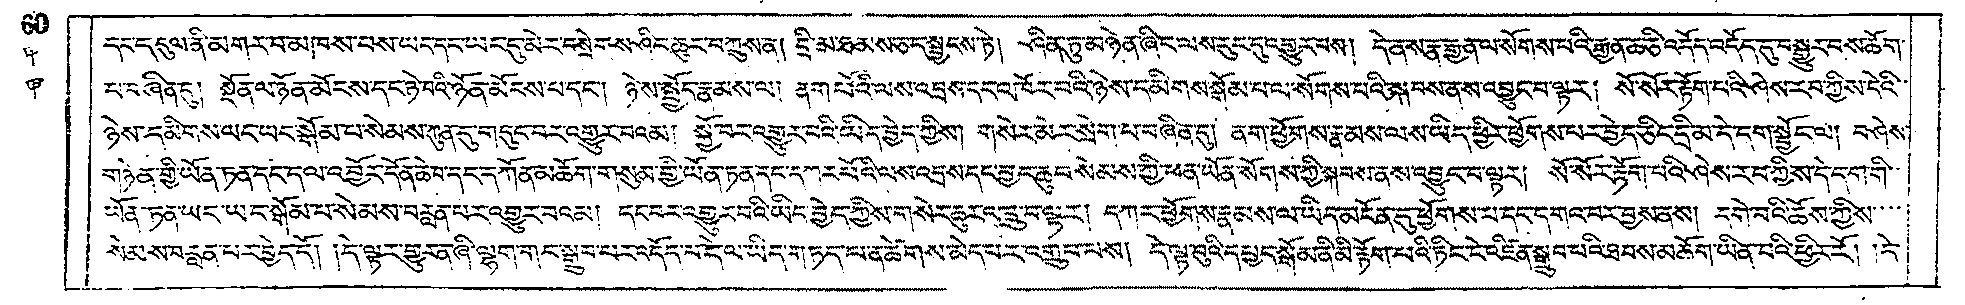དང་དངུལ་ནི་མགར་བ་མཁས་པས་ཡང་དང་ཡང་དུ་མེར་བསྲེགས་ཤིང་ཆུར་བཀྲུས་ན། དྲི་མ་ཐམས་ཅད་སྦྱངས་ཏེ། ཤིན་ཏུ་མ་ཉེན་ཞིང་ལས་རུང་དུ་འགྱུར་བས། དེ་ནས་རྣ་རྒྱན་ལ་སོགས་པའི་རྒྱན་ཆ་ཅི་འདོད་འདོད་དུ་བསྒྱུར་བས་ཆོག་
པ་བཞིན་དུ། སྔོན་ལ་ཉོན་མོངས་དང་ཉེ་བའི་ཉོན་མོངས་པ་དང་། ཉེས་སྤྱོད་རྣམས་ལ། ནག་པོའི་ལས་འབྲས་དང་འཁོར་བའི་ཉེས་དམིགས་སྒོམ་པ་ལ་སོགས་པའི་སྐབས་ནས་འབྱུང་བ་ལྟར། སོ་སོར་རྟོག་པའི་ཤེས་རབ་ཀྱིས་དེའི་
ཉེས་དམིགས་ཡང་ཡང་སྒོམ་པ་སེམས་ཀུན་དུ་གདུང་བར་འགྱུར་བའམ། སྐྱོ་བར་འགྱུར་བའི་ཡིད་བྱེད་ཀྱིས། གསེར་མེར་སྲེག་པ་བཞིན་དུ། ནག་ཕྱོགས་རྣམས་ལས་ཡིད་ཕྱིར་ཕྱོགས་པར་བྱེད་ཅིང་དྲི་མ་དེ་དག་སྦྱོང་ལ། བཤེས་
གཉེན་གྱི་ཡོན་ཏན་དང་དལ་འབྱོར་དོན་ཆེ་བ་དང་དཀོན་མཆོག་གསུམ་གྱི་ཡོན་ཏན་དང་དཀར་པོའི་ལས་འབྲས་དང་བྱང་ཆུབ་སེམས་ཀྱི་ཕན་ཡོན་སོགས་ཀྱི་སྐབས་ནས་འབྱུང་བ་ལྟར། སོ་སོར་རྟོག་པའི་ཤེས་རབ་ཀྱིས་དེ་དག་གི་
ཡོན་ཏན་ཡང་ཡང་སྒོམ་པ་སེམས་བརླན་པར་འགྱུར་བའམ། དང་བར་འགྱུར་བའི་ཡིད་བྱེད་ཀྱིས་གསེར་ཆུར་འཁྲུ་བ་ལྟར། དཀར་ཕྱོགས་རྣམས་ལ་ཡིད་མངོན་དུ་ཕྱོགས་པ་དང་དགའ་བར་བྱས་ནས། དགེ་བའི་ཆོས་ཀྱིས་
སེམས་བརླན་པར་བྱེད་དོ། །དེ་ལྟར་གྱུར་ན་ཞི་ལྷག་གང་སྒྲུབ་པར་འདོད་པ་དེ་ལ་ཡིད་གཏད་པ་ན་ཚེགས་མེད་པར་འགྲུབ་པས། དེ་ལྟ་བུའི་དཔྱད་སྒོམ་ནི་མི་རྟོག་པའི་ཏིང་ངེ་འཛིན་སྒྲུབ་པའི་ཐབས་མཆོག་ཡིན་པའི་ཕྱིར་རོ། །དེ་